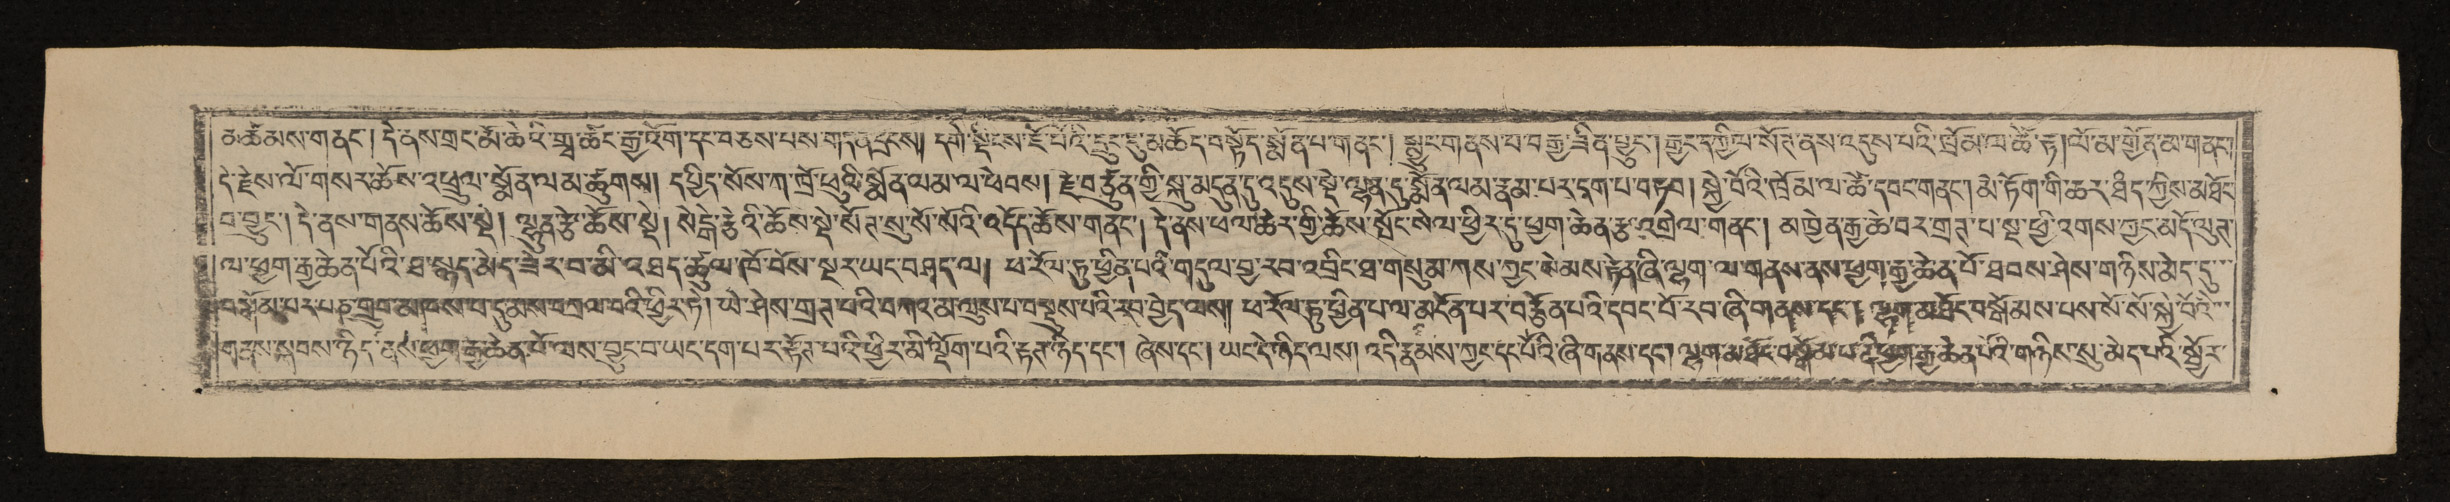ལྷག་མཚམས་གནང་། དེ་ནས་གྲང་མོ་ཆེའི་གྲྭ་ཚང་རྒྱ་འོག་དང་བཅས་པས་གདན་དྲངས། དགེ་སྡིངས་ཇོ་བོའི་དྲུང་དུ་མཆོད་བསྟོད་སྨོན་པ་གནང་། སྨྱུང་གནས་པ་བརྒྱ་ཟིན་བྱུང་། རྒྱང་དཀྱིལ་སོགས་ནས་འདུས་པའི་ཁྲོམ་ལ་ཚེ་རྟ། ལོ་མ་གྱོན་མ་གནང་། དེ་རྗེས་ལ་
གསར་ཆོ་འཕྲུལ་སྨོན་ལམ་ཚུགས། དཔྱིད་སོས་ཀ་ཁྲོ་ཕུའི་སྨོན་ལམ་ལ་ཕེབས། རྗེ་བཙུན་གྱི་སྐུ་མདུན་དུ་འདུས་སྡེ་ལྷན་དུ་སྨོན་ལམ་རྣམ་པར་དག་པ་བཏབ། སྐྱེ་བོའི་ཁྲོམ་ལ་ཚེ་དབང་གནང་། མེ་ཏོག་གི་ཆར་ཐམས་ཅད་ཀྱིས་མཐོང་བ་བྱུང་། དེ་
ནས་གནས་ཆོས་སྡེ། ལྷུན་རྩེ་ཆོས་སྡེ། སེང་གེ་རྩེའི་ཆོས་སྡེ་སོགས་སུ་སོ་སོའི་འདོད་ཆོས་གནང་། དེ་ནས་ཕལ་ཆེར་གྱི་ཆོས་སྤོང་སེལ་ཕྱིར་དུ་ཕྱག་ཆེན་རྩ་འགྲེལ་གནང་། མཁྱེན་རྒྱ་ཆེ་བར་གྲགས་པ་སྔ་ཕྱི་འགས་ཀྱང་མདོ་ལུགས་ལ་ཕྱག་
རྒྱ་ཆེན་པོའི་ཐ་སྙད་མེད་ཟེར་བ་མི་འཐད་ཚུལ་ཁོ་བོས་སྔར་ཡང་བཤད་ལ། ཕ་རོལ་ཏུ་ཕྱིན་པའི་གདུལ་བྱ་རབ་འབྲིང་ཐ་གསུམ་ཀས་ཀྱང་སེམས་རྟེན་ཞི་ལྷག་ལ་གནས་ནས་ཕྱག་རྒྱ་ཆེན་པོ་ཐབས་ཤེས་གཉིས་མེད་དུ་བསྒོམ་པར་པཎ་གྲུབ་
མཁས་པ་དུ་མས་བཀྲལ་བའི་ཕྱིར་ཏེ། ཡེ་ཤེས་གྲགས་པའི་བཀའ་མ་ལུས་པ་བསྡུས་པའི་རབ་བྱེད་ལས། ཕ་རོལ་ཏུ་ཕྱིན་པ་ལ་མངོན་པར་བརྩོན་པའི་དབང་པོ་རབ་ཞི་གནས་དང་། ལྷག་མཐོང་བསྒོམས་པས་སོ་སོ་སྐྱེ་བོའི་གནས་སྐབས་
ཉིད་ནས་ཕྱག་རྒྱ་ཆེན་པོ་ལས་བྱུང་བ་ཡང་དག་པར་རྟོགས་པའི་ཕྱིར་མི་ལྡོག་པའི་རྟགས་ཉིད་དང་། ཞེས་དང་། ཡང་དེ་ཉིད་ལས། འདི་རྣམས་ཀྱང་དང་པོའི་ཞི་གནས་དང་། ལྷག་མཐོང་བསྒོམ་པ་ནི་ཕྱག་རྒྱ་ཆེན་པོའི་གཉིས་སུ་མེད་པའི་སྦྱོར་